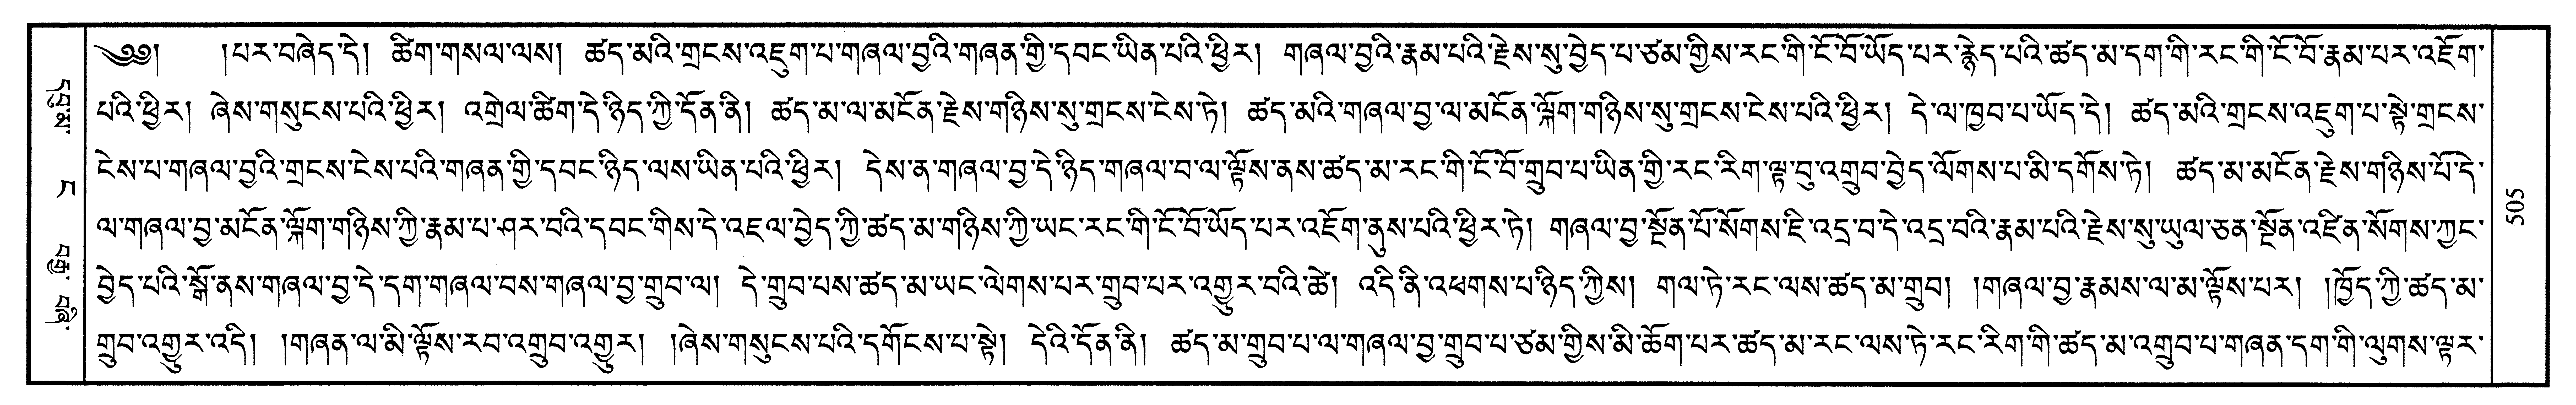༄༅། །པར་བཞེད་དེ། ཚིག་གསལ་ལས། ཚད་མའི་གྲངས་འཇུག་པ་གཞལ་བྱའི་གཞན་གྱི་དབང་ཡིན་པའི་ཕྱིར། གཞལ་བྱའི་རྣམ་པའི་རྗེས་སུ་བྱེད་པ་ཙམ་གྱིས་རང་གི་ངོ་བོ་ཡོད་པར་རྙེད་པའི་ཚད་མ་དག་གི་རང་གི་ངོ་བོ་རྣམ་པར་འཇོག་
པའི་ཕྱིར། ཞེས་གསུངས་པའི་ཕྱིར། འགྲེལ་ཚིག་དེ་ཉིད་ཀྱི་དོན་ནི། ཚད་མ་ལ་མངོན་རྗེས་གཉིས་སུ་གྲངས་ངེས་ཏེ། ཚད་མའི་གཞལ་བྱ་ལ་མངོན་ལྐོག་གཉིས་སུ་གྲངས་ངེས་པའི་ཕྱིར། དེ་ལ་ཁྱབ་པ་ཡོད་དེ། ཚད་མའི་གྲངས་འཇུག་པ་སྟེ་གྲངས་
ངེས་པ་གཞལ་བྱའི་གྲངས་ངེས་པའི་གཞན་གྱི་དབང་ཉིད་ལས་ཡིན་པའི་ཕྱིར། དེས་ན་གཞལ་བྱ་དེ་ཉིད་གཞལ་བ་ལ་ལྟོས་ནས་ཚད་མ་རང་གི་ངོ་བོ་གྲུབ་པ་ཡིན་གྱི་རང་རིག་ལྟ་བུ་འགྲུབ་བྱེད་ལོགས་པ་མི་དགོས་ཏེ། ཚད་མ་མངོན་རྗེས་གཉིས་པོ་དེ་
ལ་གཞལ་བྱ་མངོན་ལྐོག་གཉིས་ཀྱི་རྣམ་པ་ཤར་བའི་དབང་གིས་དེ་འཇལ་བྱེད་ཀྱི་ཚད་མ་གཉིས་ཀྱི་ཡང་རང་གི་ངོ་བོ་ཡོད་པར་འཇོག་ནུས་པའི་ཕྱིར་ཏེ། གཞལ་བྱ་སྔོན་པོ་སོགས་ཇི་འདྲ་བ་དེ་འདྲ་བའི་རྣམ་པའི་རྗེས་སུ་ཡུལ་ཅན་སྔོན་འཛིན་སོགས་ཀྱང་
བྱེད་པའི་སྒོ་ནས་གཞལ་བྱ་དེ་དག་གཞལ་བས་གཞལ་བྱ་གྲུབ་ལ། དེ་གྲུབ་པས་ཚད་མ་ཡང་ལེགས་པར་གྲུབ་པར་འགྱུར་བའི་ཚེ། འདི་ནི་འཕགས་པ་ཉིད་ཀྱིས། གལ་ཏེ་རང་ལས་ཚད་མ་གྲུབ། །གཞལ་བྱ་རྣམས་ལ་མ་ལྟོས་པར། །ཁྱོད་ཀྱི་ཚད་མ་
གྲུབ་འགྱུར་འདི། །གཞན་ལ་མི་ལྟོས་རབ་འགྲུབ་འགྱུར། །ཞེས་གསུངས་པའི་དགོངས་པ་སྟེ། དེའི་དོན་ནི། ཚད་མ་གྲུབ་པ་ལ་གཞལ་བྱ་གྲུབ་པ་ཙམ་གྱིས་མི་ཆོག་པར་ཚད་མ་རང་ལས་ཏེ་རང་རིག་གི་ཚད་མ་འགྲུབ་པ་གཞན་དག་གི་ལུགས་ལྟར་